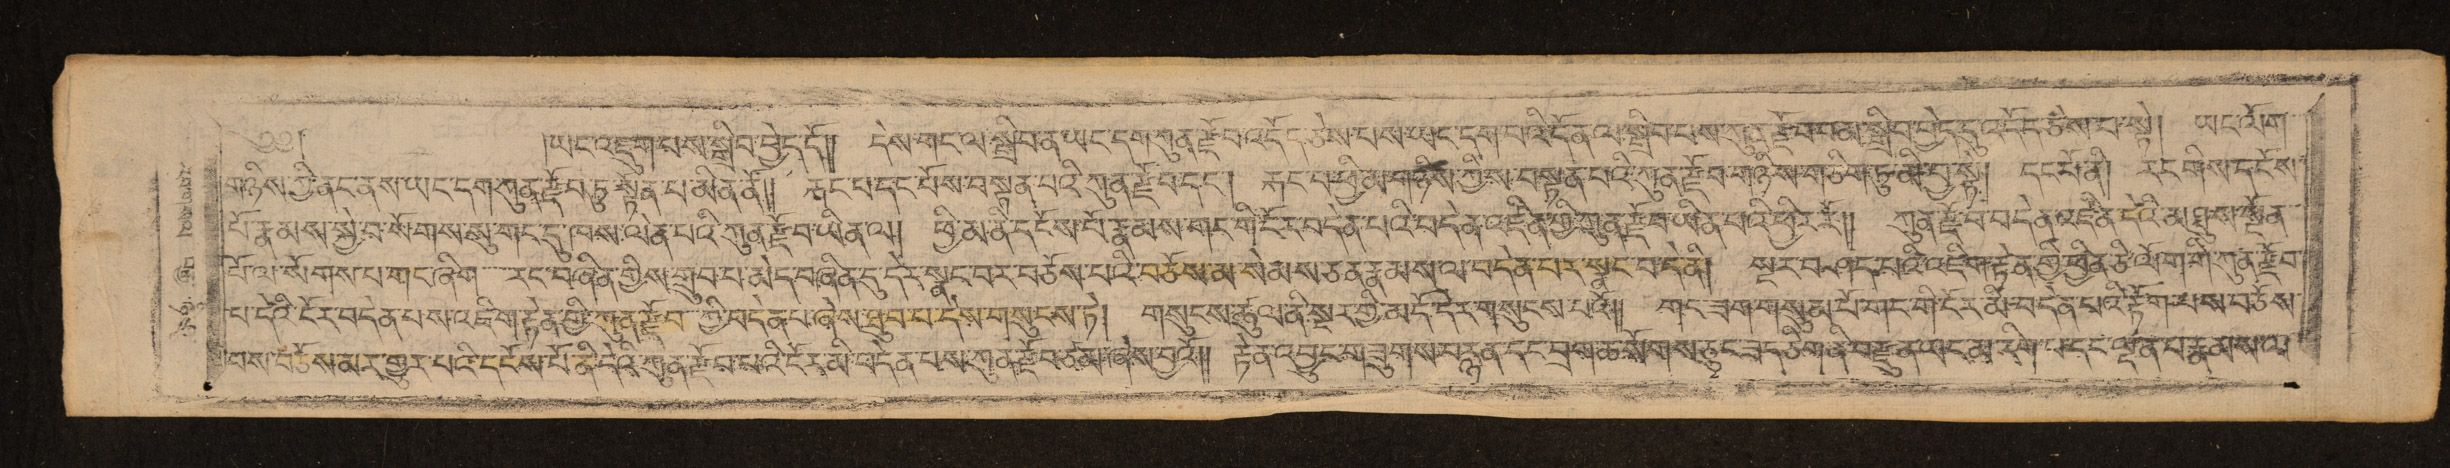༄༅། །ཡང་འཇུག་པས་སྒྲིབ་བྱེད་དོ།། དེས་གང་ལ་སྒྲིབ་ན་ཡང་དག་ཀུན་རྫོབ་འདོད་ཅེས་པས་ཡང་དག་པའི་དོན་ལ་སྒྲིབ་པས་ཀུན་རྫོབ་བམ་སྒྲིབ་བྱེད་དུ་འདོད་ཅེས་པ་སྟེ། ཡང་ལོག་
གཉིས་ཀྱི་ནང་ནས་ཡང་དག་ཀུན་རྫོབ་ཏུ་སྟོན་པ་མིན་ནོ།། རྐང་པ་དང་པོས་བསྟན་པའི་ཀུན་རྫོབ་དང་། རྐང་པ་ཕྱི་མ་གཉིས་ཀྱིས་བསྟན་པའི་ཀུན་རྫོབ་གཉིས་གཅིག་ཏུ་མི་བྱ་སྟེ། དང་པོ་ནི། རང་གིས་དངོས་
པོ་རྣམས་སྐྱེ་བ་སོགས་སུ་གང་དུ་ཁས་ལེན་པའི་ཀུན་རྫོབ་ཡིན་ལ། ཕྱི་མ་ནི་དངོས་པོ་རྣམས་གང་གི་ངོར་བདེན་པའི་བདེན་འཛིན་གྱི་ཀུན་རྫོབ་ཡིན་པའི་ཕྱིར་རོ།། ཀུན་རྫོབ་བདེན་འཛིན་དེའི་མཐུས་སྔོན་
པོ་ལ་སོགས་པ་གང་ཞིག་རང་བཞིན་གྱིས་གྲུབ་པ་མེད་བཞིན་དུ་དེར་སྣང་བར་བཅོས་པའི་བཅོས་མ་སེམས་ཅན་རྣམས་ལ་བདེན་པར་སྣང་བ་དེ་ནི། སྔར་བཤད་པའི་འཇིག་རྟེན་གྱི་ཕྱིན་ཅི་ལོག་གི་ཀུན་རྫོབ་
པ་དེའི་ངོར་བདེན་པས་འཇིག་རྟེན་གྱི་ཀུན་རྫོབ་ཀྱི་བདེན་པ་ཞེས་ཐུབ་པ་དེས་གསུངས་ཏེ། གསུངས་ཚུལ་ནི་སྔར་གྱི་མདོ་དེར་གསུངས་པའོ།། གང་ཟག་གསུམ་པོ་གང་གི་ངོར་མི་བདེན་པའི་རྟོག་པས་བཅོས་
པས་བཅོས་མར་གྱུར་པའི་དངོས་པོ་ནི་དེའི་ཀུན་རྫོབ་པའི་ངོར་མི་བདེན་པས་ཀུན་རྫོབ་ཙམ་ཞེས་བྱའོ།། རྟེན་འབྱུང་གཟུགས་བརྙན་དང་བྲག་ཆ་སོགས་ཅུང་ཟད་ཅིག་ནི་བརྫུན་ཡང་མ་རིག་པ་དང་ལྡན་པ་རྣམས་ལ་